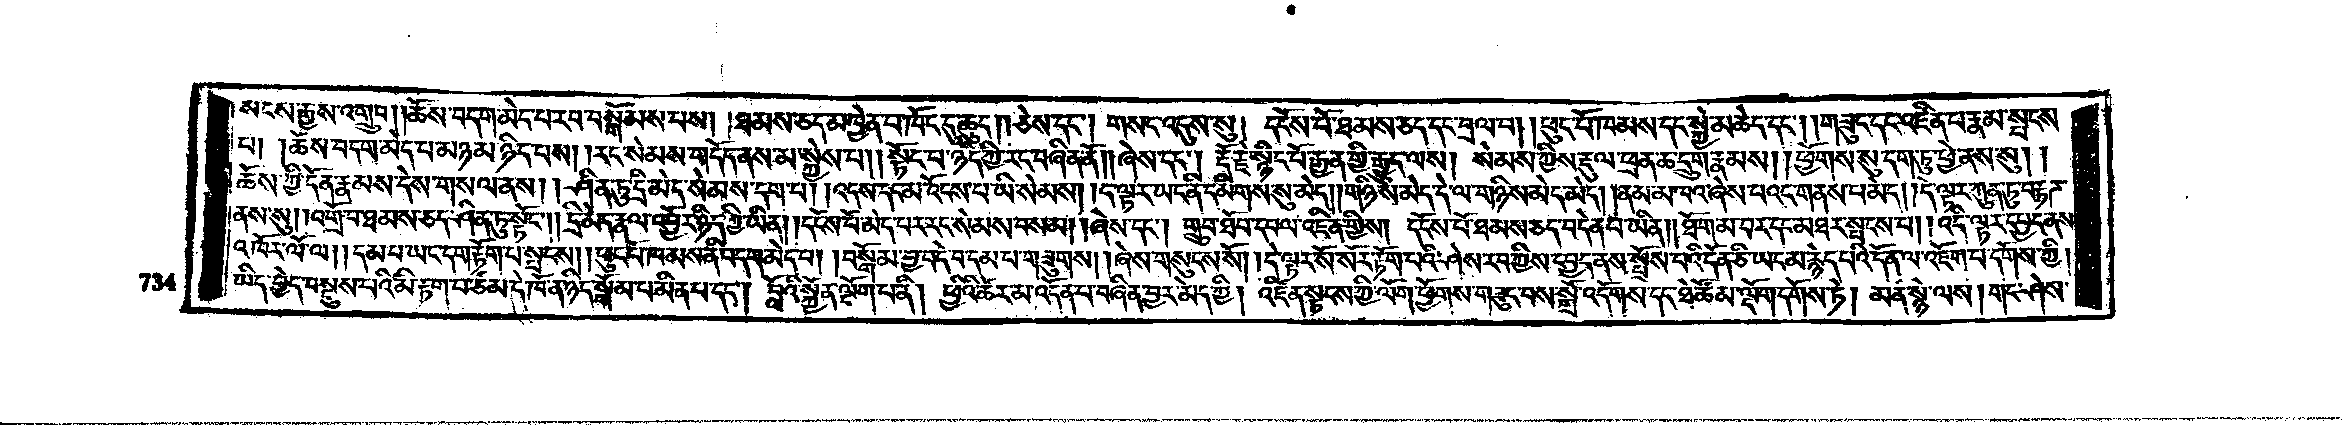སངས་རྒྱས་འགྲུབ། །ཆོས་བདག་མེད་པ་རབ་བསྒོམས་པས། །ཐམས་ཅད་མཁྱེན་པ་ཁོང་དུ་ཆུད། །ཅེས་དང་། གསང་འདུས་སུ། དངོས་པོ་ཐམས་ཅད་དང་བྲལ་བ། །ཕུང་པོ་ཁམས་དང་སྐྱེ་མཆེད་དང་། །གཟུང་དང་འཛིན་པ་རྣམ་སྤངས་
པ། །ཆོས་བདག་མེད་པ་མཉམ་ཉིད་པས། །རང་སེམས་གདོད་ནས་མ་སྐྱེས་པ། །སྟོང་པ་ཉིད་ཀྱི་རང་བཞིན་ནོ། །ཞེས་དང་། རྡོ་རྗེ་སྙིང་པོ་རྒྱན་གྱི་རྒྱུད་ལས། སེམས་ཀྱིས་རྡུལ་ཕྲན་ཆ་དྲུག་རྣམས། །ཕྱོགས་སུ་དག་ཏུ་ཕྱེ་ནས་སུ། །
ཆོས་ཀྱི་དོན་རྣམས་དེས་གསལ་ནས། །ཤིན་ཏུ་དྲི་མེད་སེམས་དག་པ། །འདས་དང་མ་འོངས་པ་ཡི་སེམས། །ད་ལྟར་ཡང་ནི་དམིགས་སུ་མེད། །གཉིས་མེད་དེ་ལ་གཉིས་མེད། །ནམ་མཁའ་ཞེས་པའང་གནས་མེད་པ། །དེ་ལྟར་ཀུན་ཏུ་བརྟགས་
ནས་སུ། །འགྲོ་བ་ཐམས་ཅད་ཤིན་ཏུ་སྟོང་། །དྲི་མེད་རྣལ་འབྱོར་ཉིད་ཀྱི་ཡིན། །དངོས་བོ་མེད་པར་རང་སེམས་བསམ། །ཞེས་དང་། གྲུབ་ཐོབ་དཔལ་འཛིན་གྱིས། དངོས་བོ་ཐམས་ཅད་བདེན་པ་ཡིན། །ཐོག་མ་བར་དང་མཐར་སྤངས་པ། །འདིར་ལྟར་དཔྱད་ནས་
འཁོར་ལོ་ལ། །དམ་པ་ཡང་དག་རྟོག་པ་སྤངས། །ཕུང་བོ་ཁམས་ནི་བདག་མེད་པ། །བསྒོམ་བྱ་བདེ་བ་དམ་པ་གཟུགས། །ཞེས་གསུངས་སོ། །དེ་ལྟར་སོ་སོར་རྟོག་པའི་ཤེས་རབ་ཀྱིས་དཔྱད་ནས་སྤྲོས་བའི་དོན་ཅི་ཡང་མ་རྙེད་པའི་དོན་ལ་འཇོག་པ་དགོས་ཀྱི།
ཡིད་བྱེད་བསྡུས་པའི་མི་རྟག་པ་ཙམ་དེ་ཁོ་ན་ཉིད་སྒོམ་པ་མིན་པ་དང་། བློའི་སྐྱོན་ལྡོག་པ་ནི། ཕྱིའི་ཚེར་མ་འདོན་པ་བཞིན་བྱར་མེད་ཀྱི། འཛིན་སྟངས་ཀྱི་ལོག་ཕྱོགས་གཟུང་བས་སྒྲོ་འདོགས་དང་ཐེ་ཚོམ་ལྡོག་དགོས་ཏེ། མན་སྙེ་ལས། གང་ཤེས་